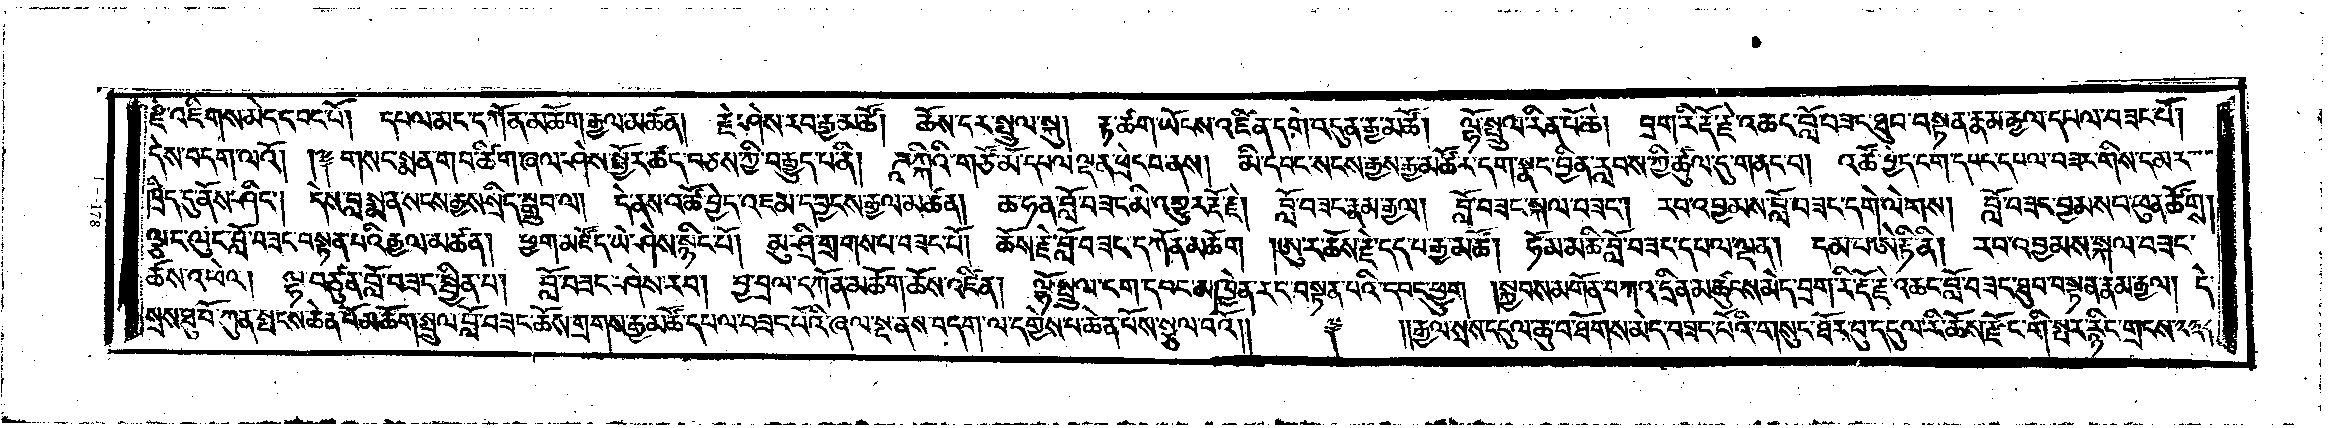ཏུ་འཇིགས་མེད་དབང་པོ། དཔལ་མང་དཀོན་མཆོག་རྒྱལ་མཚན། རྗེ་ཤེས་རབ་རྒྱ་མཚོ། ཆོས་དར་སྤྲུལ་སྐུ། རྟ་ཚག་ཡོངས་འཛིན་དགེ་འདུན་རྒྱ་མཚོ། ལྷོ་སྤྲུལ་རིན་པོ་ཆེ། བྲག་རི་རྡོ་རྗེ་འཆང་བློ་བཟང་ཐུབ་བསྟན་རྣམ་རྒྱལ་དཔལ་བཟང་པོ།
དེས་བདག་ལའོ། ། ༈ གསང་སྨན་གབ་ཚིག་ཞལ་ཤེས་སྦྱོར་ཚད་བཅས་ཀྱི་བརྒྱུད་པ་ནི། ཌཱཀྐིའི་གཙོ་མོ་དཔལ་ལྡན་ཕྲེང་བ་ནས། མི་དབང་སངས་རྒྱས་རྒྱ་མཚོར་དག་སྣང་བྱིན་རླབས་ཀྱི་ཚུལ་དུ་གནང་བ། འཚོ་ཕྱེད་ངག་དབང་དཔལ་བཟང་གིས་དམར་
ཁྲིད་དུ་ནོས་ཤིང་། དེས་བླ་སྨན་སངས་རྒྱས་སྲིད་སྒྲུབ་ལ། དེ་ནས་འཚོ་བྱེད་འཇམ་དབྱངས་རྒྱལ་མཚན། ཆ་ཧན་བློ་བཟང་མི་འགྱུར་རྡོ་རྗེ། བློ་བཟང་རྣམ་རྒྱལ། བློ་བཟང་སྐལ་བཟང་། རབ་འབྱམས་བློ་བཟང་དགེ་ལེགས། བློ་བཟང་བྱམས་བ་ཕུན་ཚོགས།
ལྕང་ལུང་བློ་བཟང་བསྟན་པའི་རྒྱལ་མཚན། ཕྱག་མཛོད་ཡེ་ཤེས་སྙིང་པོ། མུ་ཤྲི་གྲགས་པ་བཟང་པོ། ཆོས་རྗེ་བློ་བཟང་དཀོན་མཆོག །ཨུ་ར་ཆོས་རྗེ་དད་པ་རྒྱ་མཚོ། ཧོམ་མཆི་བློ་བཟང་དཔལ་ལྡན། དམ་པ་ཨེ་རྟི་ནི། རབ་འབྱམས་སྐལ་བཟང་
ཆོས་འཕེལ། ལྷ་བཙུན་བློ་བཟང་སྦྱིན་པ། བློ་བཟང་ཤེས་རབ། བྱ་བྲལ་དཀོན་མཆོག་ཆོས་འཛིན། ལྷོ་སྤྲུལ་ངག་དབང་མཁྱེན་རང་བསྟན་པའི་དབང་ཕྱུག །སྐྱབས་མགོན་བཀའ་དྲིན་མཚུངས་མེད་བྲག་རི་རྡོ་རྗེ་འཆང་བློ་བཟང་ཐུབ་བསྟན་རྣམ་རྒྱལ། དེ་
སྨས་ཐུ་བོ་ཀུན་སྤངས་ཆེན་པོ་མཆོག་སྤྲུལ་བློ་བཟང་ཆོས་གྲགས་རྒྱ་མཚོ་དཔལ་བཟང་པོའི་ཞལ་སྔ་ནས་བདག་ལ་དགྱེས་པ་ཆེན་པོས་སྩལ་བའོ།། ༈ །།རྒྱལ་སྲས་དངུལ་ཆུ་བ་ཐོགས་མེད་བཟང་པོའི་གསུང་ཐོར་བུ་དངུལ་རི་ཆོས་རྫོང་གི་སྤར་རྙིང་གྲངས ༢༣༨